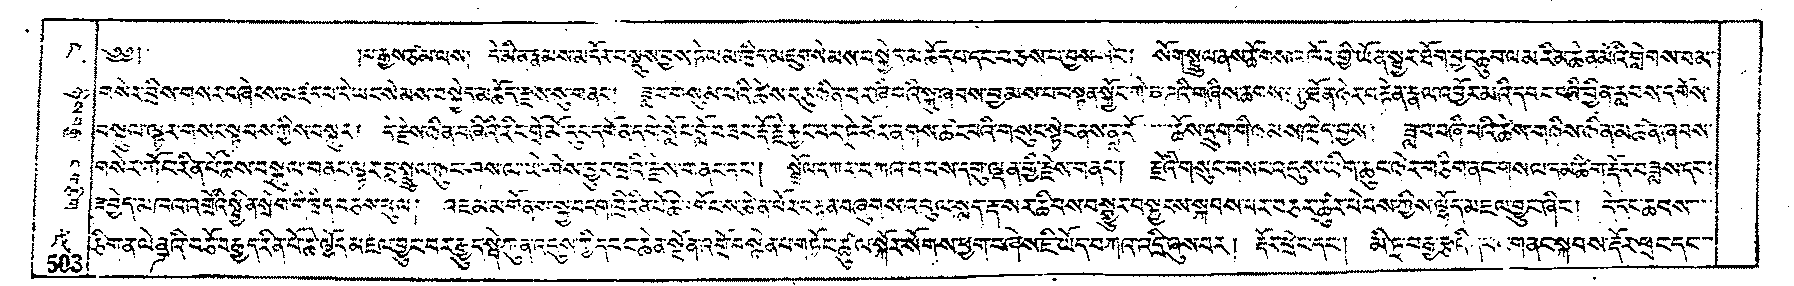༄༅། །པ་རྒྱས་ཙམ་ལས། དེ་མིན་རྣམས་མདོར་བསྡུས་བྱས་ཏེ་ལམ་ཁྲིད་མཇུག་སེམས་བསྐྱེད་མཆོད་པ་དང་བཅས་པ་བྱས་ཤིང་། སོག་སྤྲུལ་ནས་ཚོགས་འཁོར་གྱི་ཡོན་སྦྱར་ཐོག་བྱང་ཆུབ་ལམ་རིམ་ཆེན་མོའི་གླེགས་བམ་
གསེར་བྲིས་གསར་བཞེངས་མཛད་པ་དེ་ཡང་སེམས་བསྐྱེད་མཆོད་རྫས་སུ་གནང་། ཟླ་བ་གསུམ་པའི་ཚེས་བཅུ་ཉིན་བར་ཞི་བའི་སྐུ་ཞབས་བྱམས་པ་བསྟན་སྐྱོང་ཀེ་ཎ་ཌའི་གཞིས་ཆགས་སུ་ཐོན་ཉེར་བརྟེན་རྣལ་འབྱོར་མའི་དབང་བཞི་བྱིན་རླབས་དགོས་
བསྐུལ་ལྟར་གསང་སྟབས་ཀྱིས་བསྐུར། དེ་རྗེས་ཉིན་བཞིའི་རིང་གྲོ་མོ་དུང་དགོན་དགེ་སློང་བློ་བཟང་རྡོ་རྗེ་རྐྱང་པར་ཏྲེ་ཧོར་ནགས་ཚང་པའི་གསུང་སྟེང་ནས་ནཱ་རོ་ཆོས་དྲུག་གི་ཉམས་ཁྲིད་བྱས། ཟླ་བ་བཞི་པའི་ཚེས་གཉིས་ཉིན་མཚན་ཞབས་
གསེར་ཀོང་རིན་པོ་ཆེས་བསྐུལ་གནང་ལྟར་བླ་སྤྲུལ་ཉུང་ཤས་ལ་ཡེ་ཤེས་ཁྱུང་ཁྲའི་རྗེས་གནང་དང་། སྒྲོལ་དཀར་བཀའ་བབས་དགུ་ལྡན་གྱི་རྗེས་གནང་། རྗེའི་གསུང་གསང་འདུས་ཡིག་ཆུང་ཉེར་གཅིག་ནང་གསལ་དམ་ཚིག་རྡོར་བཟླས་དང་།
ཟ་བྱེད་མཁའ་འགྲོའི་སྦྱིན་སྲེག་གི་ཁྲིད་བཅས་ཕུལ། འཇམ་མགོན་ས་སྐྱ་བདག་ཁྲི་རིན་པོ་ཆེ་༧གོང་ས་ཆེན་པོར་བརྟན་བཞུགས་འབུལ་སླད་རྡ་སར་ཆིབས་བསྒྱུར་བསྐྱངས་སྐབས་ཕར་བཅར་ཚུར་ཕེབས་ཀྱིས་ལྷོད་མཇལ་བྱུང་ཞིང་། དེ་དང་ཆབས་
ཅིག་ན་ལེནྜའི་བཅོ་བརྒྱད་རིན་པོ་ཆེ་ལྷོད་མཇལ་བྱུང་བར་རྒྱུད་སྡེ་ཀུན་འདུས་ཀྱི་དབང་ཆེན་སྔོན་འགྲོ་བསྙེན་པ་གཏོང་ཚུལ་སྐོར་སོགས་ཕྱག་བཞེས་ཇི་ཡོད་བཀའ་འདྲི་ཞུས་པར། རྡོར་ཕྲེང་དང་། མི་ཏྲ་བརྒྱ་རྩའི་དབང་གནང་སྐབས་རྡོར་ཕྲང་དང་